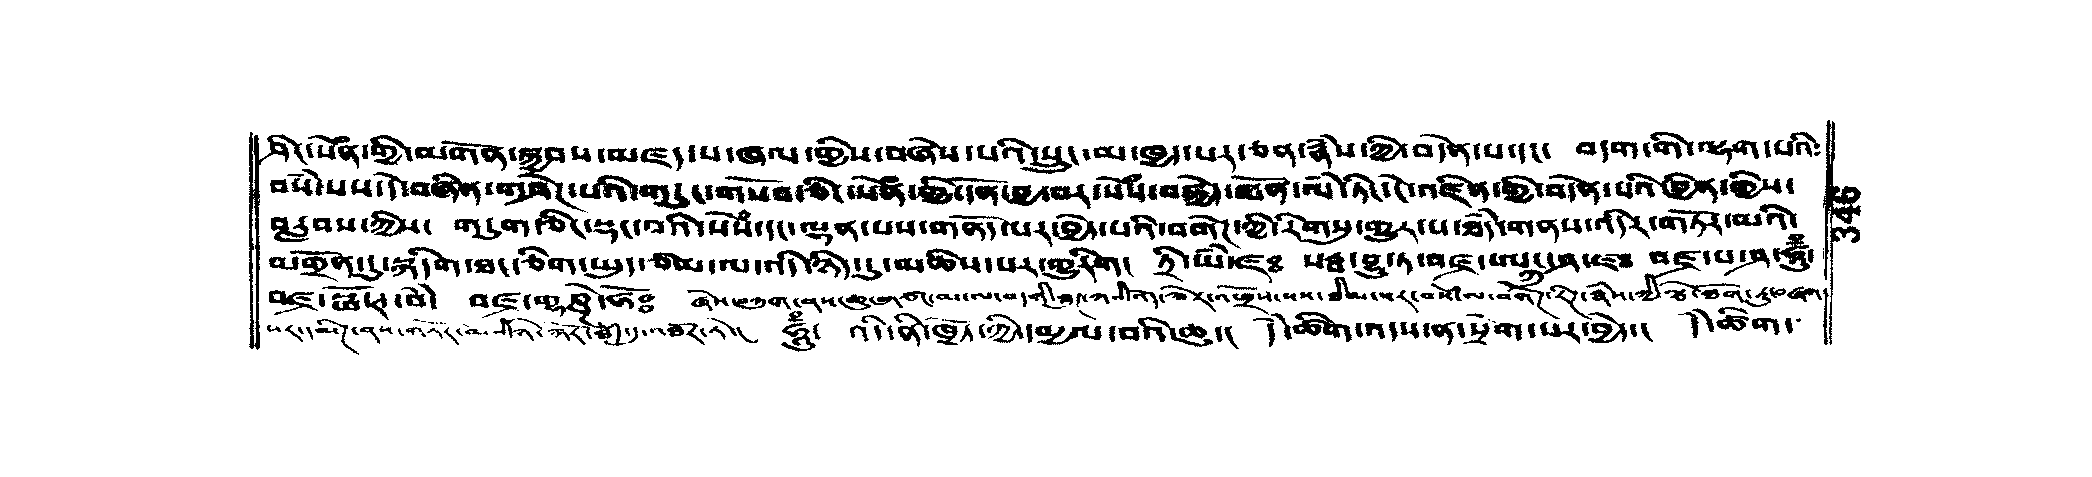ཤིང་སེམས་ཅན་གྱི་མགོན་སྐྱབས་མཛད་པར་ཞལ་གྱིས་བཞེས་པའི་སྲུང་མ་ཁྱད་པར་ཅན་རྣམས་ཀྱི་བདེན་པ་དང་། བདག་གི་ལྷག་པའི་
བསམ་པས་དེ་བཞིན་གཤེགས་པའི་གདུང་གསོབ་ཅིང་སེམས་ཅན་གྱི་དོན་བྱ་བར་སེམས་བསྐྱེད་སྨོན་ལམ་ཏིང་ངེ་འཛིན་གྱི་བདེན་པའི་བྱིན་གྱིས་
བརླབས་ཀྱིས། གདུག་ཅིང་སྡང་པའི་སེམས་དང་ལྡན་པས་གནོད་པར་བྱེད་པའི་བགེགས་ཀྱི་རིགས་སུ་གྱུར་པ་ཐམས་ཅད་གནས་འདིར་གཏོར་མའི་
མགྲོན་དུ་སྐད་ཅིག་ཐང་ཅིག་ཡུད་ཙམ་ལ་འདི་ཉིད་དུ་མཆིས་པར་གྱུར་ཅིགཏྲི་ཡཾ་ཛཿ སརྦ་བྷུ་ཏ་བཛྲ་ཨངྐུ་ཤ་ཛཿ བཛྲ་པ་ཤ་ཧཱུ། 
བཛྲ་སྥོ་ཊ་བཾ། བཛྲ་གྷཎྜེ་ཧོཿ ཞེས་བཀུག་ནས་ཆུ་གཙང་མ་ལ་བདག་གི་ཐུགས་ཀའི་འོད་ཟེར་འཕྲོས་པས་ཐིམ་པར་བསམ་ལ་བགེགས་རིགས་རྣམས་ཀྱི་ལྕེ་ཐོག་ཏུ་བཞག་
པར་དམིགས་ནས་གཏོར་མའི་ཉོ་སྐོར་ཐམས་ཅད་དུ་འཐོར་ཏེ། ཧཱུྃ། འདི་ནི་ཁྱོད་ཀྱི་དམྱལ་བའི་ཆུ། །དམ་ཚིག་འདས་ན་སྲེག་པར་བྱེད། །དམ་ཚིག་